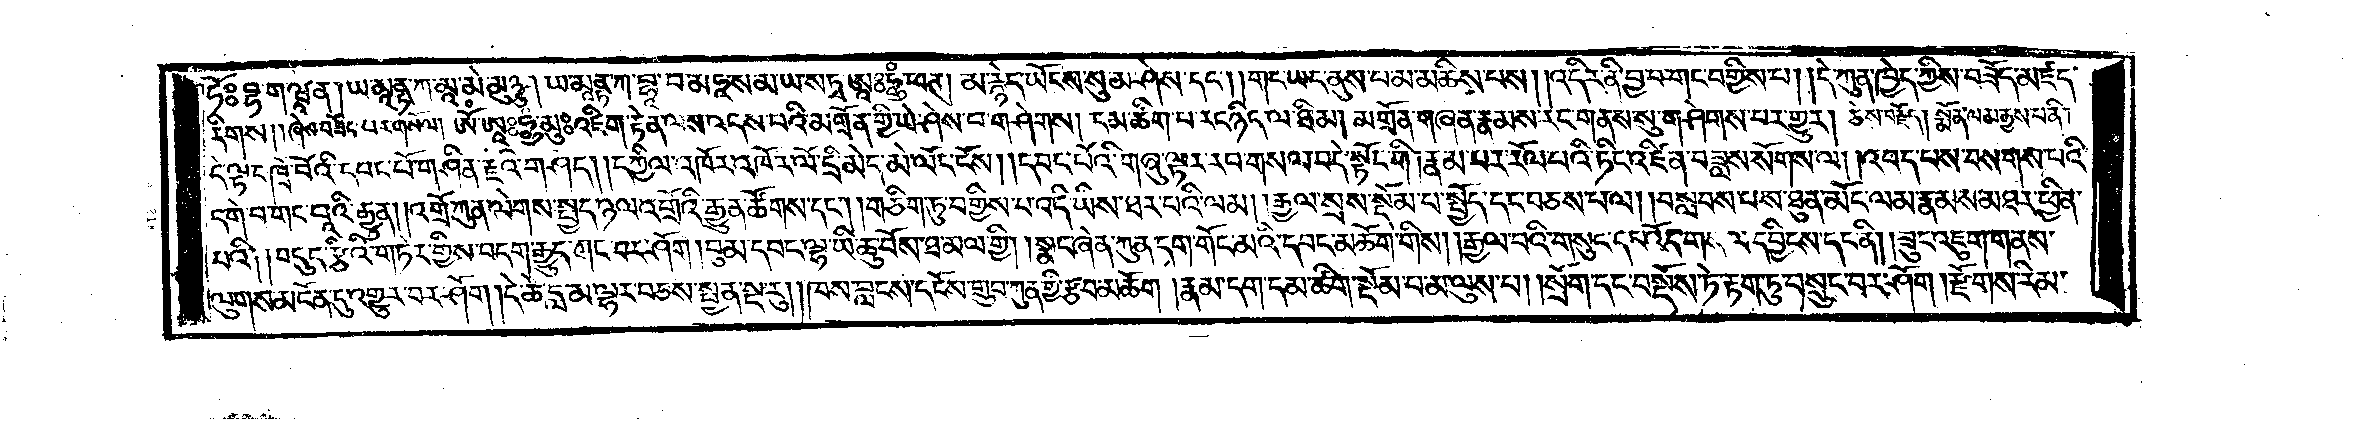ཧོཿབྷག་ཝཱན། ཡ་མཱ་ནྟ་ཀ་མཱ་མེ་མུཉྩ། ཡ་མཱནྟ་ཀ་བྷཱ་བ་མ་ཧཱ་ས་མཡ་ས་ཏྭ་ཨཱཿཧཱུཾ་ཕཊ། མ་རྙེད་ཡོངས་སུ་མ་ཤེས་དང་། །གང་ཡང་ནུས་པ་མ་ཆིས་པས། །འདིར་ནི་བྱ་བ་གང་བགྱིས་པ། །དེ་ཀུན་ཁྱེད་ཀྱིས་བཟོད་མཛད་
རིགས། །ཞེས་བཟོད་པར་གསོལ།  ཨོཾ་ཨཱཿཧཱུཾ་མུཿའཇིག་རྟེན་ལས་འདས་པའི་མགྲོན་གྱི་ཡེ་ཤེས་བ་གཤེགས། དམ་ཚིག་པ་རང་ཉིད་ལ་ཐིམ། མགྲོན་གཞན་རྣམས་རང་གནས་སུ་གཤེགས་པར་གྱུར། ཅེས་བརྗོད། སྨོན་ལམ་རྒྱས་པ་ནི།
དེ་ལྟར་ཁྲོ་བོའི་དབང་པོ་གཤིན་རྗེའི་གཤད། །དཀྱིལ་འཁོར་འཁོར་ལོ་དྲི་མེད་མེ་ལོང་ངོས། །དབང་པོའི་གཞུ་ལྟར་རབ་གསལ་བདེ་སྟོང་གི། རྣམ་པར་རོལ་པའི་ཏིང་འཛིན་བཟླས་སོགས་ལ། །འབད་པས་བསགས་པའི་
དགེ་བ་གང་པཱའི་རྒྱུན། །འགྲོ་ཀུན་ལེགས་སྤྱད་ཉལ་འགྲོའི་རྒྱུན་ཚོགས་དང་། །གཅིག་ཏུ་བགྱིས་པ་འདི་ཡིས་ཐར་པའི་ལམ། །རྒྱལ་སྲས་སྡོམ་པ་སྤྱོད་དང་བཅས་པ་ལ། །བསླབས་པས་ཐུན་མོང་ལམ་རྣམས་མཐར་ཕྱིན་
པའི༑ །བདུད་རྩིའི་གཏེར་གྱིས་བདག་རྒྱུད་གང་བར་ཤོག །བུམ་དབང་ལྷ་ཡི་ཆུ་བོས་ཐ་མལ་གྱི། །སྣང་ཞེན་ཀུན་དག་གོང་མའི་དབང་མཆོག་གིས། །རྒྱལ་བའི་གསུང་དང་འོད་གསལ་དབྱིངས་དང་ནི། །ཟུང་འཇུག་གནས་
ལུགས་མངོན་དུ་འགྱུར་བར་ཤོག། །དེ་ཚེ་བླ་མ་ལྷར་བཅས་སྤྱན་སྔ་རུ། །ཁས་བླངས་དངོས་གྲུབ་ཀུན་གྱི་རྩབ་མཆོག །རྣམ་དག་དམ་ཚིག་སྡོམ་པ་མ་ལུས་པ། །སྲོག་དང་བསྡོས་ཏེ་རྟག་ཏུ་བསྲུང་བར་ཤོག། རྫོགས་རིམ་